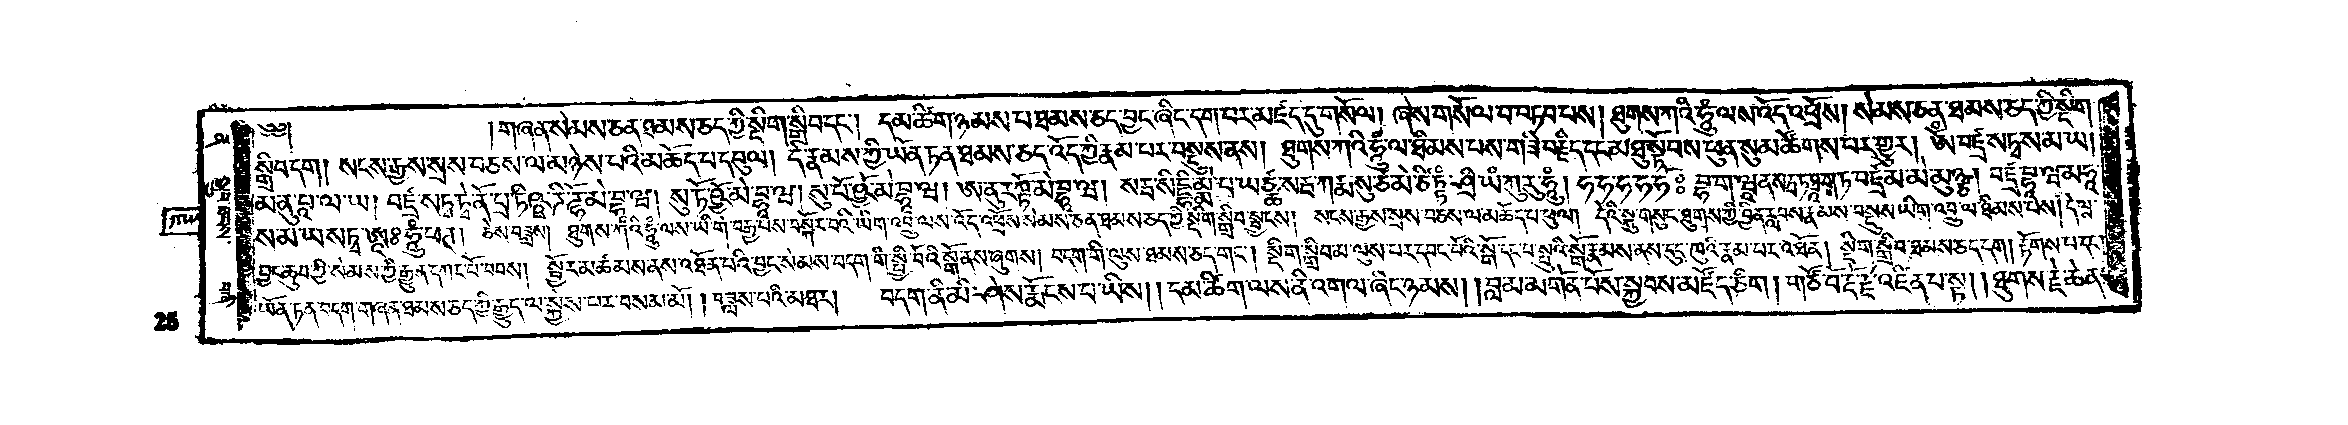༄༅། །གཞན་སེམས་ཅན་ཐམས་ཅད་ཀྱི་སྡིག་སྒྲིབ་དང་། དམ་ཚིག་ཉམས་པ་ཐམས་ཅད་བྱང་ཞིང་དག་པར་མཛད་དུ་གསོལ། ཞེས་གསོལ་བ་བཏབ་པས། ཐུགས་ཀའི་ཧཱུཾ་ལས་འོད་འཕྲོས། སེམས་ཅན་ཐམས་ཅད་ཀྱི་སྡིག་
སྒྲིབ་དག །སངས་རྒྱས་སྲས་བཅས་ལ་མཉེས་པའི་མཆོད་པ་དབུལ། དེ་རྣམས་ཀྱི་ཡོན་ཏན་ཐམས་ཅད་འོད་ཀྱི་རྣམ་པར་བསྡུས་ནས། ཐུགས་ཀའི་ཧཱུཾ་ལ་ཐིམས་པས་གཟི་བརྗིད་དང་མཐུ་སྟོབས་ཕུན་སུམ་ཚོགས་པར་གྱུར། ཨོཾ་བཛྲེ་སཏྭ་ས་མ་ཡ།
མ་ནུ་པཱ་ལ་ཡ། བཛྲ་སཏྭ་ཏྭེ་ནོ་པྲ་ཏི་ཥཊཿཨ་ཌི་ཌྷོ་མེ་བྷ་ཝ། སུ་ཏོ་ཥྱོ་མེ་བྷཱ་ཝ། སུ་པོ་ཥྱོ་མེ་བྷཱ་ཝ། ཨ་ནུ་རཀྟོ་མེ་བྷཱ་ཝ། སརྦ་སིདྡྷི་མྨེ་པྲ་ཡཙྪ་སརྦ་ཀརྨ་ཅུ་ཙ་མེ་ཙི་ཏྟཾ་ཤྲི་ཡཾ་ཀུ་རུ་ཧཱུཾ། ཧ་ཧ་ཧ་ཧ་ཧོཿ བྷ་ག་ཝའ་ན་སརྦ་ཏ་ཐཱ་ག་ཏ་བཛྲེ་མ་མེ་མུཉྩ། བཛྲེ་བྷཱ་ཝ་མཧཱ་
ས་མ་ཡ་སཏྭ་ཨཱཿ ཧཱུམ་ཕགས། ཅེས་བཟླས།  ཐུབས་ཀའི་ཧཱུཾ་ལས་ཡི་གེ་བརྒྱ་པས་བསྐོར་བའི་ཡིག་འབྲུ་ལས་འོད་འཕྲོས་སེམས་ཅན་ཐམས་ཅད་ཀྱི་སྡིག་སྒྲིབ་སྦྱངས། སངས་རྒྱས་སྲས་བཅས་ལ་མཆོད་པ་ཕུལ། དེའི་སྐུ་གསུང་ཐུགས་ཀྱི་བྱིན་རླབས་རྣམས་བསྡུས་ཡིག་འབྲུ་ལ་ཐིམས་པས། དེ་ལས་
བྱང་ཆུབ་ཀྱི་སེམས་ཀྱི་རྒྱུན་དཀར་པོ་བབས། སྦྱོར་མཚམས་ནས་འཐོན་པའི་བྱང་སེམས་བདག་གི་སྤྱི་བོའི་སྒོ་ནས་ཞུགས། བདག་གི་ལུས་ཐམས་ཅད་གང་། སྡིག་སྒྲིབ་མ་ལུས་པར་དབང་པོའི་སྒོ་དང་པ་སྤུའི་སྒོ་རྣམས་ནས་དུད་ཁུའི་རྣམ་པར་འཐོན། སྡིག་སྒྲིབ་ཐམས་ཅད་དག །རྟོགས་པ་དང་།
ཡོན་ཏན་བདག་གཞན་ཐམས་ཅད་ཀྱི་རྒྱུད་ལ་སྐྱེས་པར་བསམ་མོ། །བཟླས་པའི་མཐར། བདག་ནི་མི་ཤེས་རྨོངས་པ་ཡིས། །དམ་ཚིག་ལས་ནི་འགལ་ཞིང་ཉམས། །བླ་མ་མགོན་པོས་སྐྱབས་མཛོད་ཅིག །གཙོ་བོ་རྡོ་རྗེ་འཛིན་པ་སྟེ། །ཐུགས་རྗེ་ཚན་